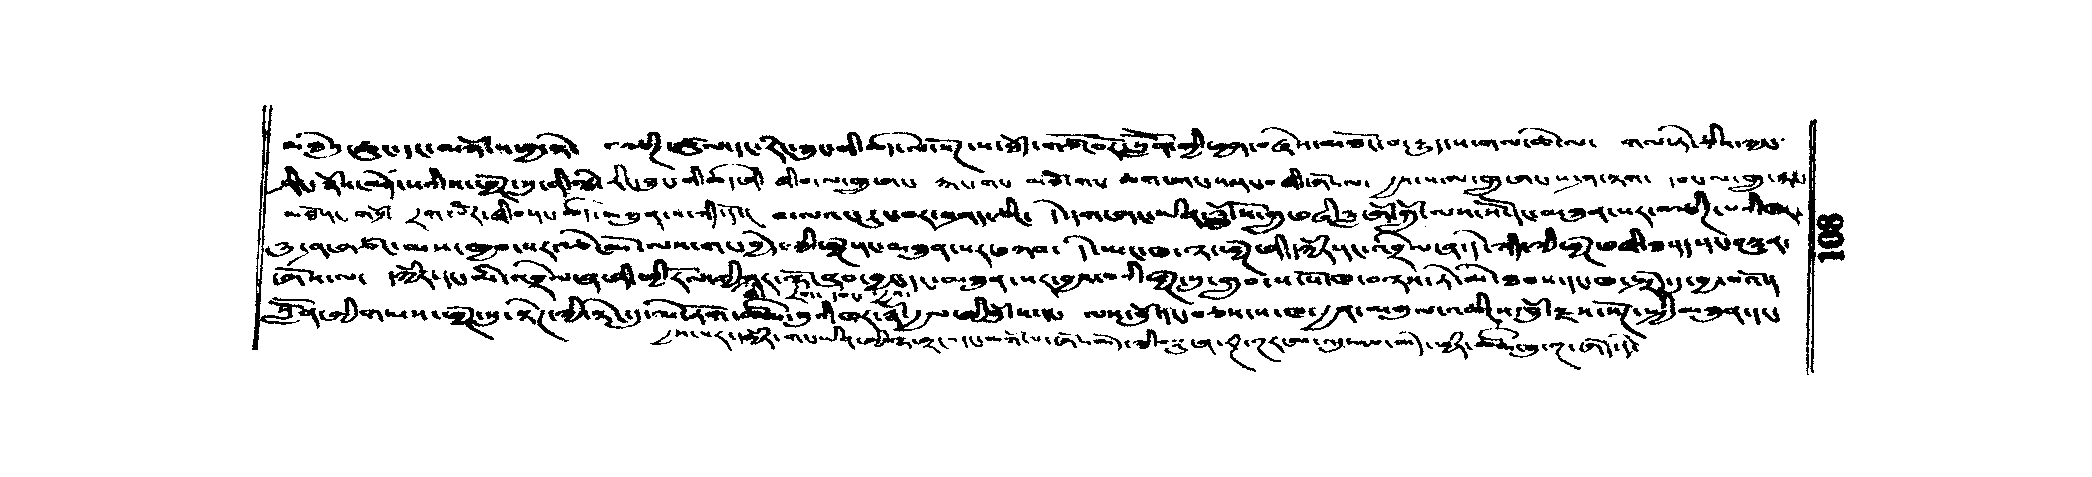མཐེའུ་ཆུང་དང་མཉམ་པ་བྱ་སྟེ། རིང་ཐུང་རྩིགས་ཚུལ་དང་རིང་ཐུང་གི་ཚད་ལ་སོགས་པ་ཐམས་ཅད་གཙོ་བོར་སློབ་དཔོན་གྱི་ཕྱག་བཞེས་མཐོང་བ་རྒྱུད་པ་གལ་ཆེ་ལ། གལ་ཏེ་ཅིས་ཀྱང་
ཤིང་རྣམས་མེད་པའི་ས་ཕྱོགས་སུ་ནི་ལྕེ་རིང་ཐུང་གི་ཚད་ནི་ཞི་བ་ལ་ཁྲུ་གང་། རྐང་གང་། མཐོ་གང་། ཆག་གང་ས་དང་བཞི་དགོས་ལ། རྒྱས་པ་ལ་ཁྲུ་གང་ས་ཤ་སྟག་དབང་ལ་ཁྲུ་རྐང་
མཐོ་དང་གསུམ། དྲག་པོར་ཞི་བ་དང་ཚད་མཐུན་པ་ཉིད་དོ། བ་ལའང་རུང་བར་བཤད་ཅིང་། དེ་དག་གང་ཡིན་ཟླུམ་པོ་གྲུ་བཞི་ཟླ་གམ་གྲུ་གསུམ་ལས་སོ་སོ་དང་མཐུན་པར་རྩིགས་པའི་ཁར་
ཀུ་ཤ་གཙང་མས་ཁྱབ་པར་རྩེ་མོ་ལས་གང་བྱེད་ཅི་ཕྱོགས་དང་མཐུན་པར་བཀབ། དེ་ཡང་ཁ་ལྟ་ཕྱོགས་ནི་དཀྱིལ་འཁོར་དང་འབྲེལ་ན་དེ་ཉིད་ཀྱི་ཕྱོགས་བཞི་ཐ་དད་དང་བསྟུན་
དགོས་ལ། དཀྱིལ་འཁོར་དང་མི་འབྲེལ་ན་ཕྱི་རོལ་གྱི་ཤར་ཞི་ལྷོ་དྲག་ནུབ་དབང་བྱང་རྒྱས་དང་མཐུན་པར་བྱས་པའི་ཕྱོགས་སུ་གྲུབ་པ་སོ་ཁ་བལྟས་ཏེ་མེ་ཐབས་དང་ཁ་སྤྲོད་དུ་བྱ་བའོ། 
སློབ་དཔོན་གྱི་གཡས་ཕྱོགས་སུ་སྟེགས་ཀྱི་སྟེང་དུ་མེ་ཏོག་ཚོམ་བུའི་ཁར་རྣམས་རྒྱལ་མི་་་་་་་་ ལས་བུམ་དང་བཅས་པ་ཁ་རྒྱན་མགུལ་འཆིངས་བུམ་རྫས་སོགས་སྤྱི་མཐུན་དང་།
 རྒྱས་པར་དཀྱིལ་འཁོར་གང་ཡིན་གྱི་ལྷ་གྲངས་དང་མཉམ་པ་དགོས་མོད་ཀྱི་བསྡུ་ན་རིགས་ལྔར་མ་འདུས་པ་མེད་ཕྱིར་ཚོམ་བུ་ལྔ་དགོད་དེ།༽ རྣམ་རྒྱལ་གྱི་བུམ་པ་དང་།